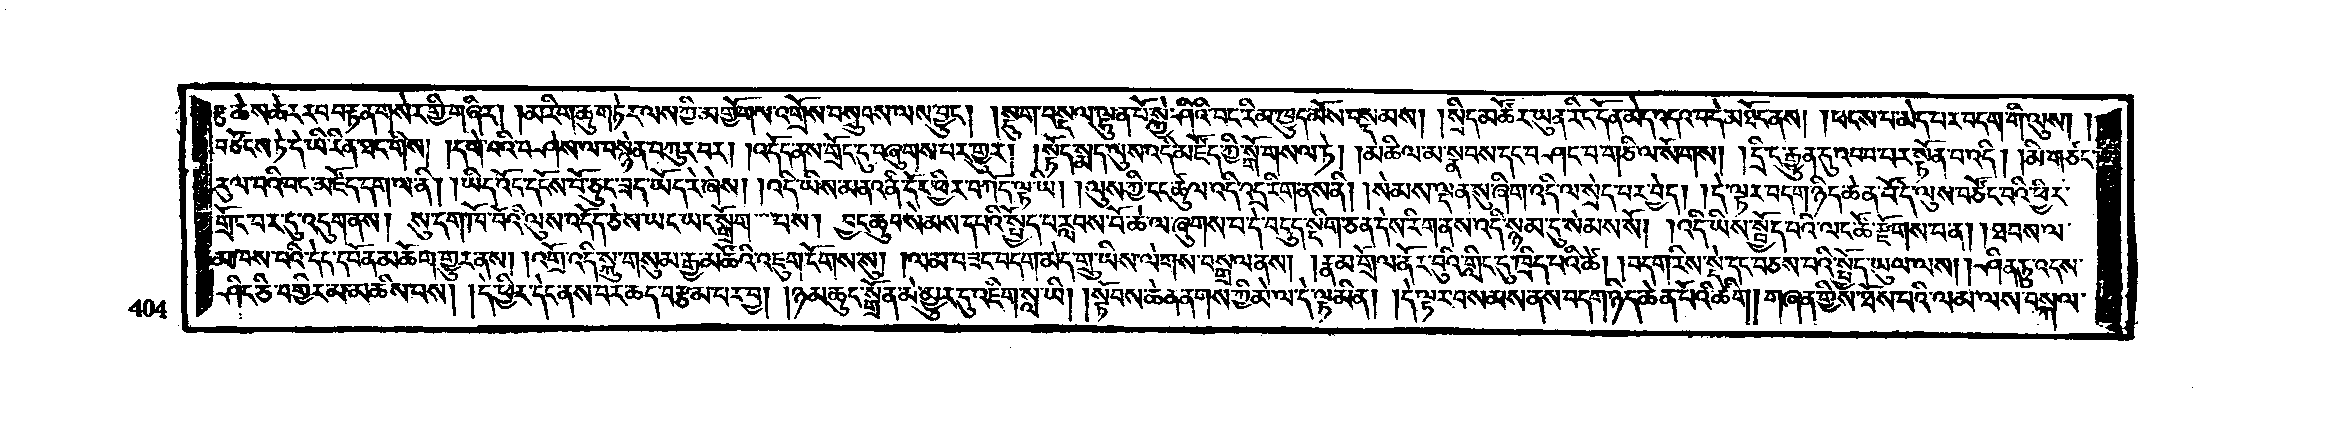རྩ་ཆེས་ཆེར་རབ་བརྟན་གསེར་གྱི་གཞིར། །མ་རིག་ཆུ་གཏེར་ལས་ཀྱི་མགྱོགས་འགྲོས་བསྲུབས་ལས་བྱུང་། །སྡུག་བསྔལ་ལྷུན་པོ་སྐྱེ་ཤིའི་བང་རིམ་ཁྱུད་མོས་བསྡམས། །སྲིད་མཚོར་ཡུན་རིང་དོན་མེད་འདའ་བ་དེ་མཐོང་ནས། །ཕངས་པ་མེད་པར་བདག་གི་ལུས། །
བཙོངས་ཏེ་དེ་ཡི་རིན་ཐང་གིས། །དགེ་བའི་བཤེས་ལ་བསྙེན་བཀུར་བར། །འདོད་ནས་གྲོང་དུ་བཞུགས་པར་གྱུར། །སྟོད་སྨད་ལུས་འདི་མཛོད་ཀྱི་སྒོ་གསལ་ཏེ། །མཆིལ་མ་སྣབས་དང་བཤད་བ་གཅི་ལ་སོགས། །དྲི་ང་རྒྱུན་དུ་འབབ་པར་སྟོན་པ་འདི། །མི་གཙང་
རུལ་བའི་བང་མཛོད་དག་ལ་ནི། །ཡིད་འོང་དངོས་པོ་ཅུང་ཟད་ཡོད་རེ་ཞེས། །འདི་ཡིས་མནའ་ནི་དོར་ཕྱིར་བཀོད་ལྟ་ཡི། །ལུས་ཀྱི་ངང་ཚུལ་འདི་འདྲ་རིག་ནས་ནི། །སེམས་ལྡན་སུ་ཞིག་འདི་ལ་སྲེད་པར་བྱེད། །དེ་ལྟར་བདག་ཉིད་ཆེན་པོ་དེ་ལུས་བཙོང་བའི་ཕྱིར་
གྲོང་བར་དུ་འདུག་ནས། །སུ་དག་ཁོ་བོའི་ལུས་འདོད་ཅེས་ཡང་ཡང་སྒྲོག་པས། བྱང་ཆུབ་སེམས་དཔའི་སྤྱོད་པ་རླབས་པོ་ཆེ་ལ་ཞུགས་པ་དེ་བདུད་སྡིག་ཅན་དེས་རིག་ནས་འདི་སྙམ་དུ་སེམས་སོ། །འདི་ཡིས་སྤྱོད་པའི་ལང་ཚོ་རྫོགས་པ་ན། །ཐབས་ལ་
མཁས་པའི་དེད་དཔོན་མཆོག་གྱུར་ནས། །འགྲོ་འདི་སྐུ་གསུམ་རྒྱ་མཚོའི་འཇུག་ངོགས་སུ། །ལམ་བཟང་བདག་མེད་གྲུ་ཡིས་ལེགས་བསྒྲལ་ནས། །རྣམ་གྲོལ་ནོར་བུའི་གླིང་དུ་ཁྲིད་པའི་ཚེ། །བདག་རིས་སྡེ་དང་བཅས་པའི་སྤྱོད་ཡུལ་ལས། །ཤིན་ཏུ་འདས་
ཤིང་ཅི་བགྱིར་མ་མཆིས་པས། །དེ་ཕྱིར་དེང་ནས་བར་ཆད་བརྩམ་པར་བྱ། །ཉམ་ཆུང་སྒྲོན་མེ་མྱུར་དུ་འཇིག་སླ་ཡི། །སྟོབས་ཆེན་ནགས་ཀྱི་མེ་ལ་དེ་ལྟ་མིན། །དེ་ལྟར་བསམས་ནས་བདག་ཉིད་ཆེན་པོའི་ཚིག། གཞན་གྱིས་ཐོས་པའི་ལམ་ལས་བསྐལ་